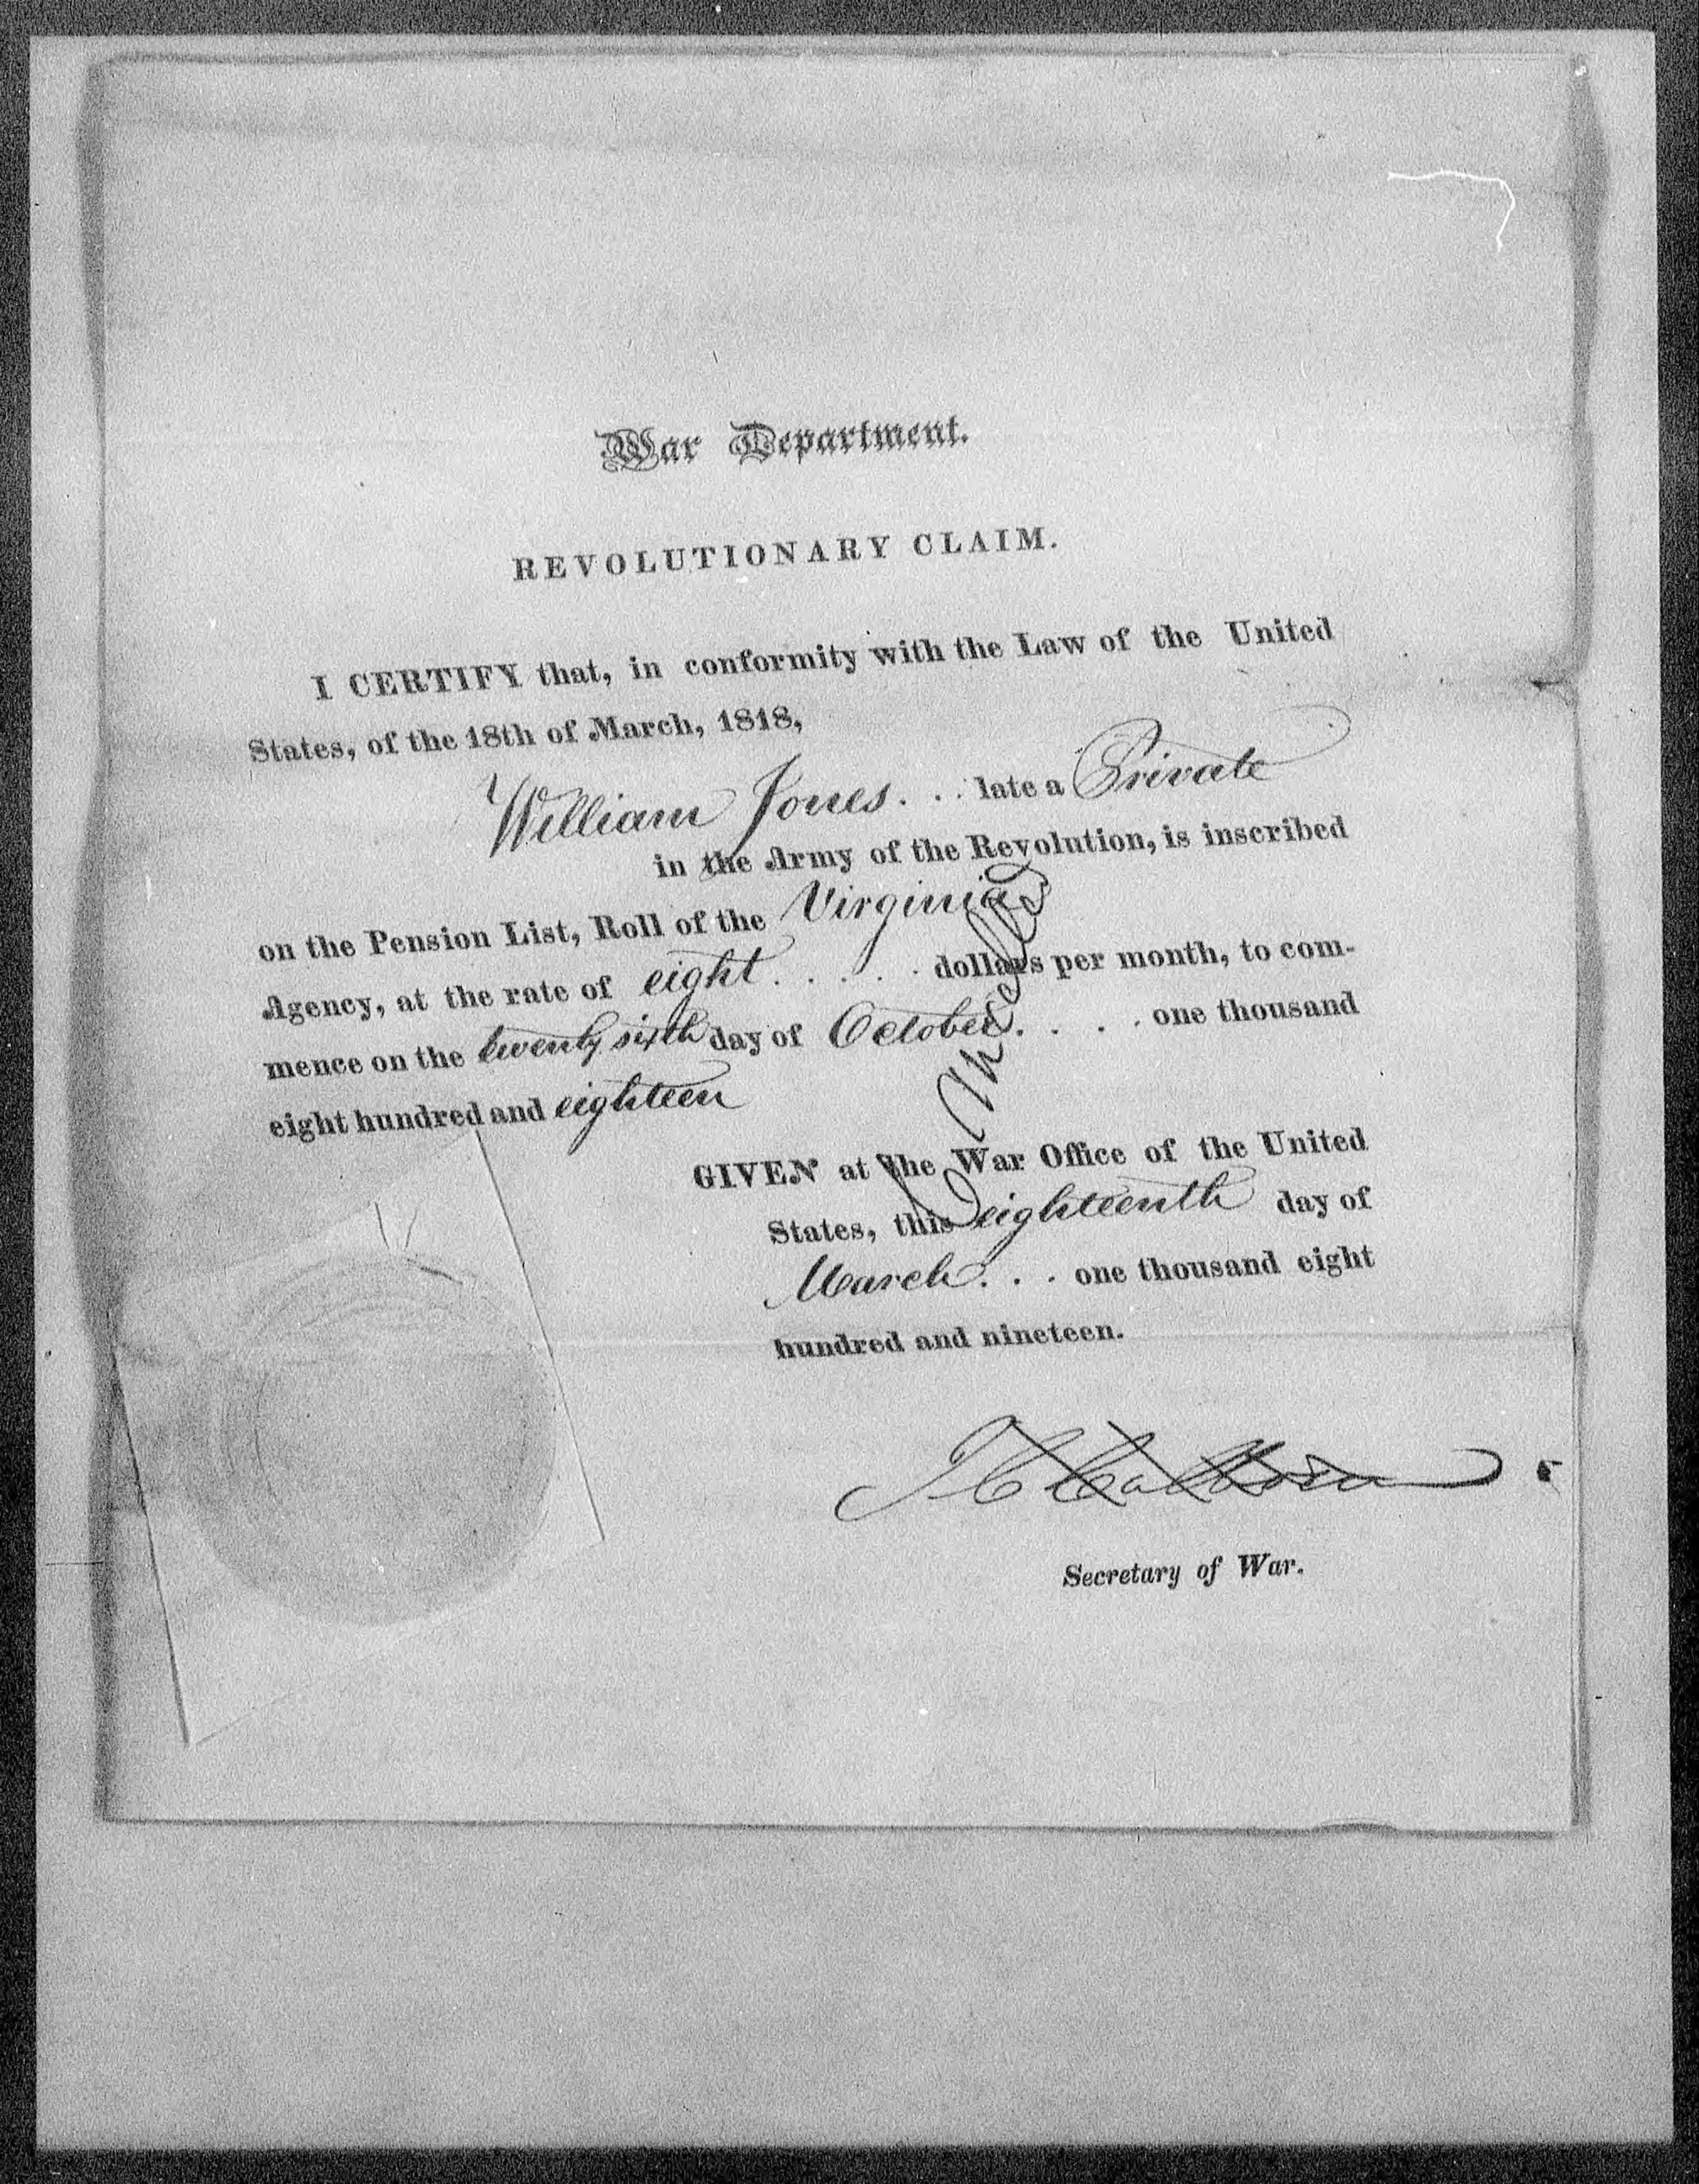War Department

REVOLUTIONARY CLAIM.

I CERTIFY that, in conformity with the Law of the United States, of the 18th of March, 1818,
William Jones...late a Private in the Army of the Revolution, is inscribed on the Pension List, Roll of the Virginia Agency, and the rate of eight....dollars per month, to commence on the twenty-sixth day of October...one thousand eight hundred and eighteen

GIVEN at the War Office of the United States, the eighteenth day of March...one thousand eight hundred and nineteen.

J C Calhoun
Secretary of War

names: William Jones; J C Calhoun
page: 33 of 39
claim: widow's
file: W 6292, for William Jones, Maryland